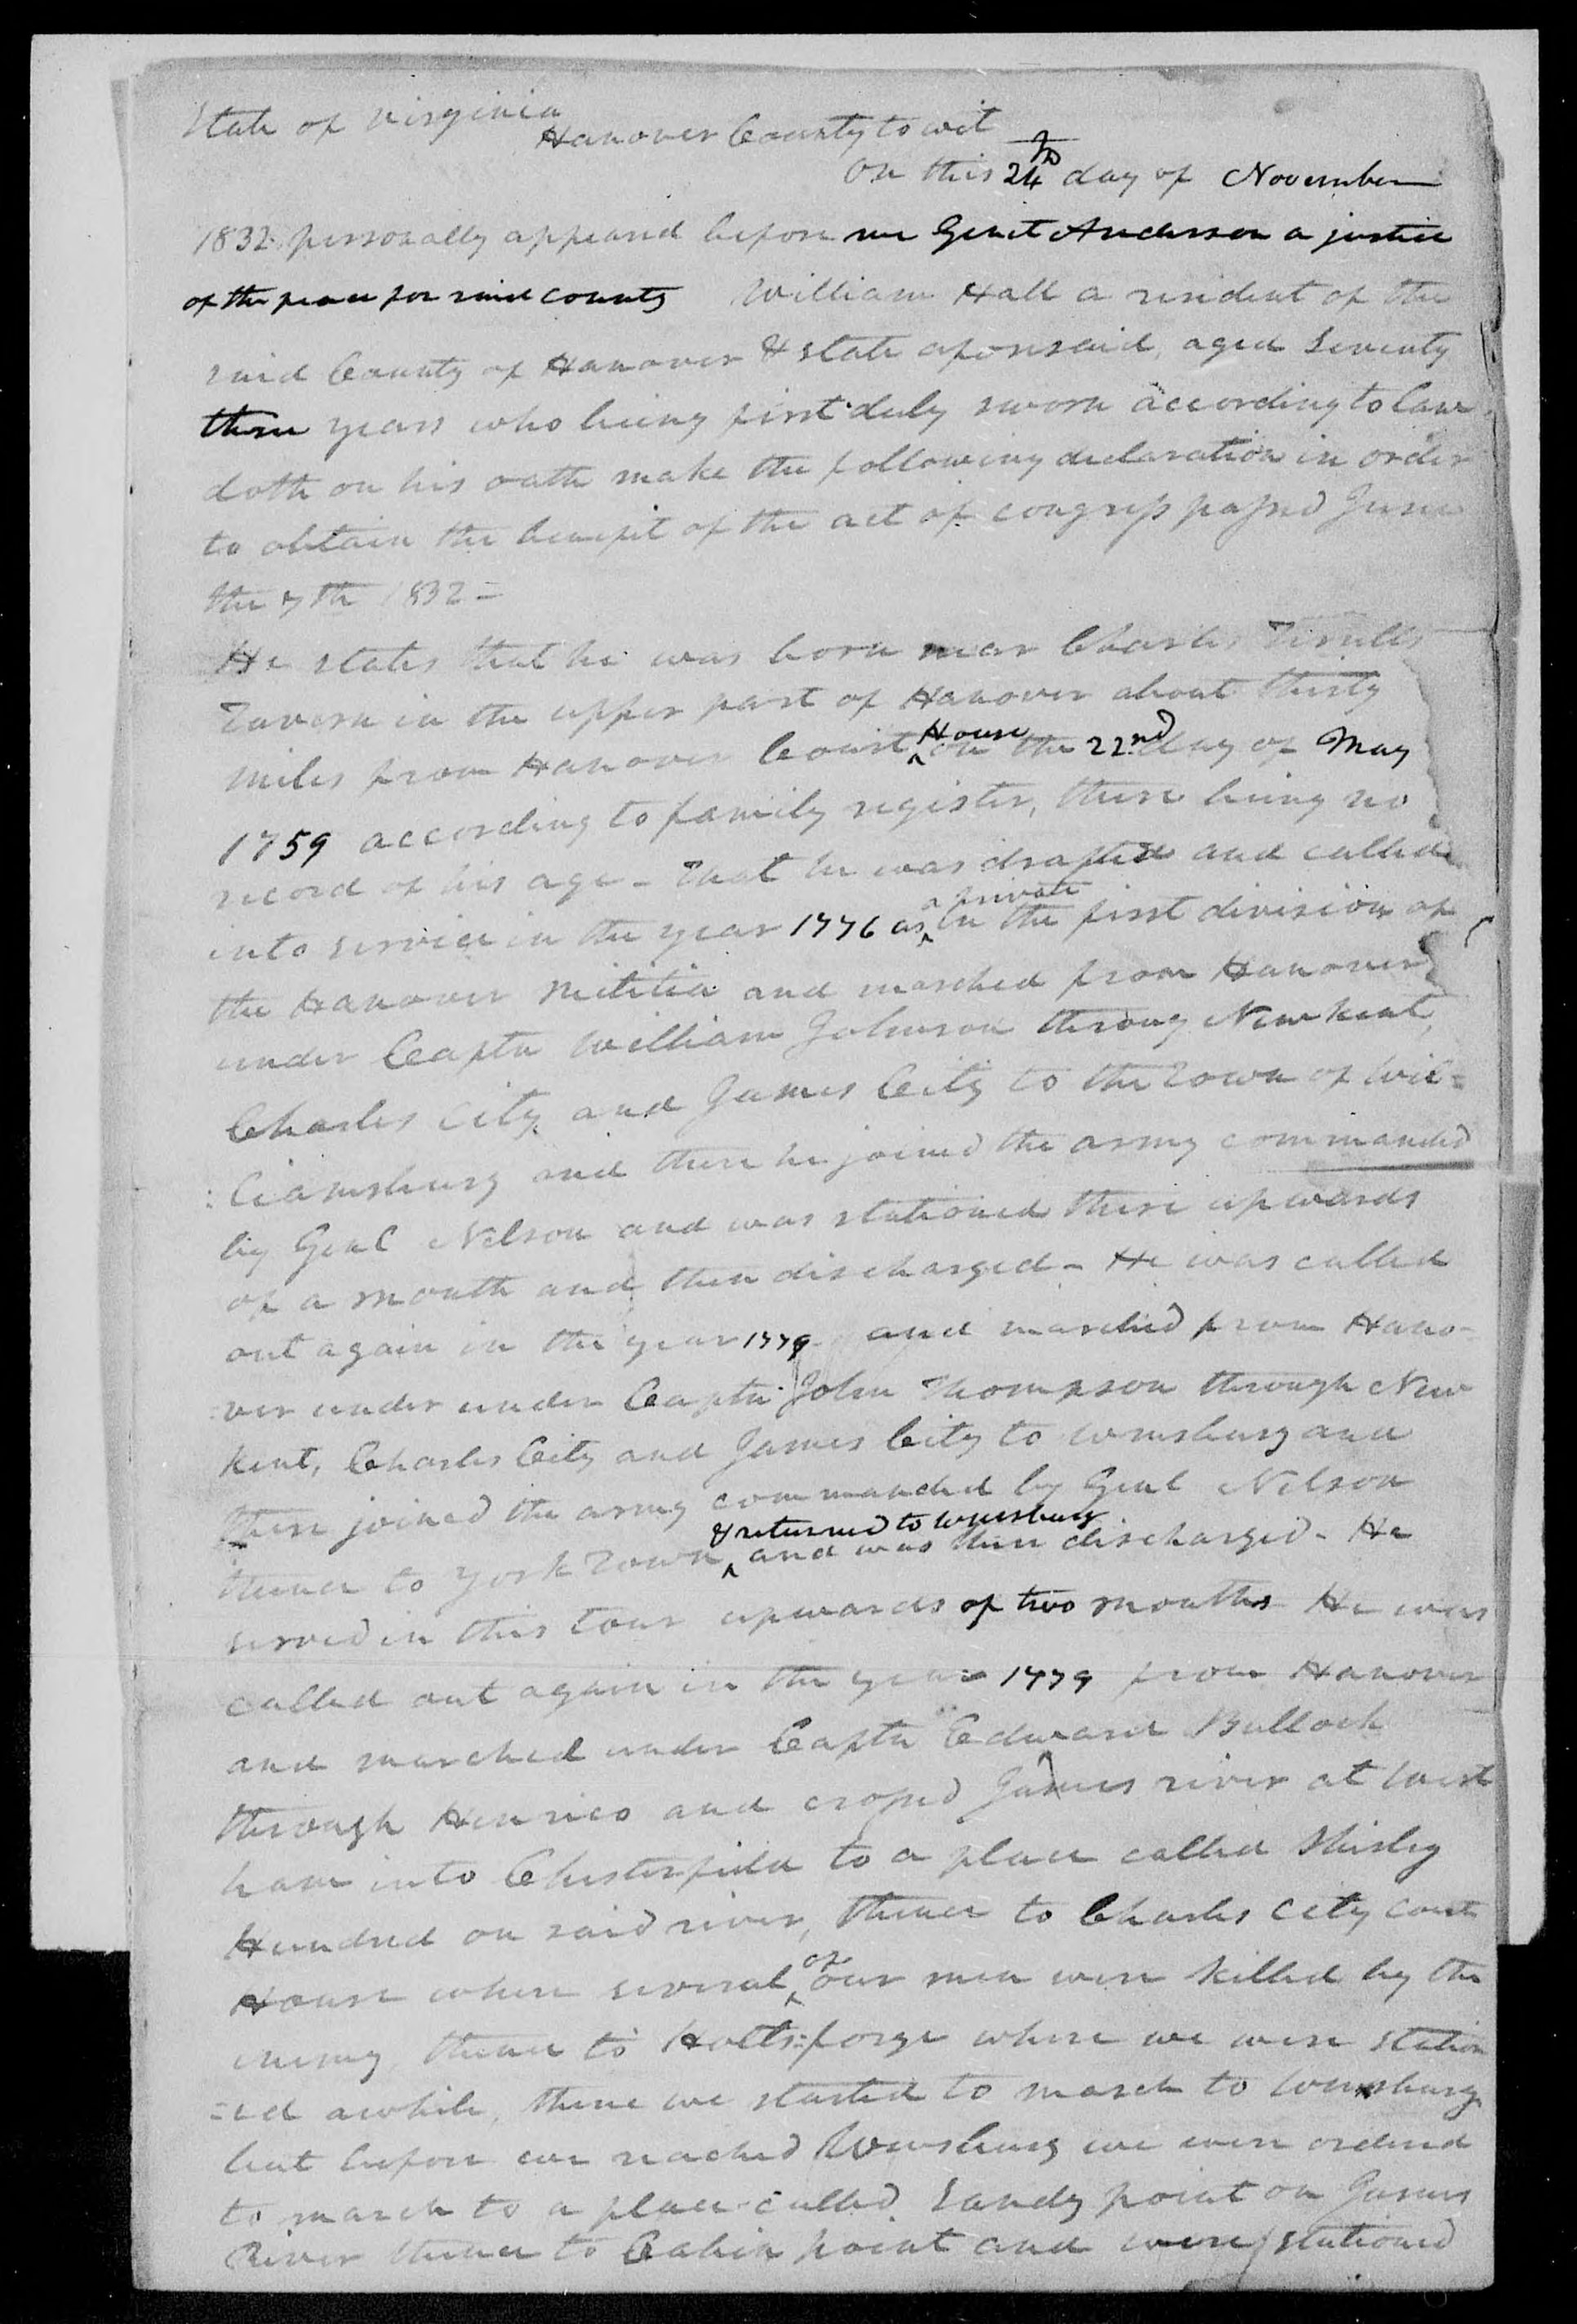State of Virginia
Hanover County to wit
On this 24th day of November 1832 personally appeared before me Gerrit Anderson a justice
of the peace for said County William Hall a resident of the said County of Hanover & state aforesaid, aged Seventy three years who being first duly sworn according to law, doth on his oath make the following declaration in order
to obtain the benefit of the act of congress passed June the 7th 1832-
He states that he was born near Charles Terrells Tavern in the upper part of Hanover about thirty miles from Hanover Court on the 22nd day of May 1759 according to family register, there being no record of his age. That he was drafted and called into service in the year 1776 as a private in the first division of the Hanover militia and marched from Hanover under Capt William Johnson through New Kent. Charles City and James City to the town of Williamsburg and there he joined the army commanded by Genl Nelson and was stationed there upwards of a month and then discharged - He was called out again in the year 1777 and marched from Hanover under under [sic] Captain John Thompson through New Kent, Charles City and James City to Wmsburg and then joined the army commanded by Genl Nelson thence to York Town & returned to Williamsburg and was then discharged. He served in this tour upwards of two months. He was called out again in the year 1779 from Hanover under under and marched under Capt Edward Bullock through Henrico and crossed James river at Westham into Chesterfield to a place called Shirley Hundred on said river, thence to Charles City Court House  when several our men were killed by the enemy thence to Holts forge where we were stationed awhile, then we started to march to Wmsburg but before we reached Wmsburg we were ordered to march to a place called Sandy point on James River thence to Cabin point and were stationed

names: John Thompson, Edward Bullock, Charles Terrell, Gerrit Anderson, William Johnson, William Hall, Nelson, Nelson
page: 3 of 15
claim: survivor's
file: S. 5475, William Hall, Va.